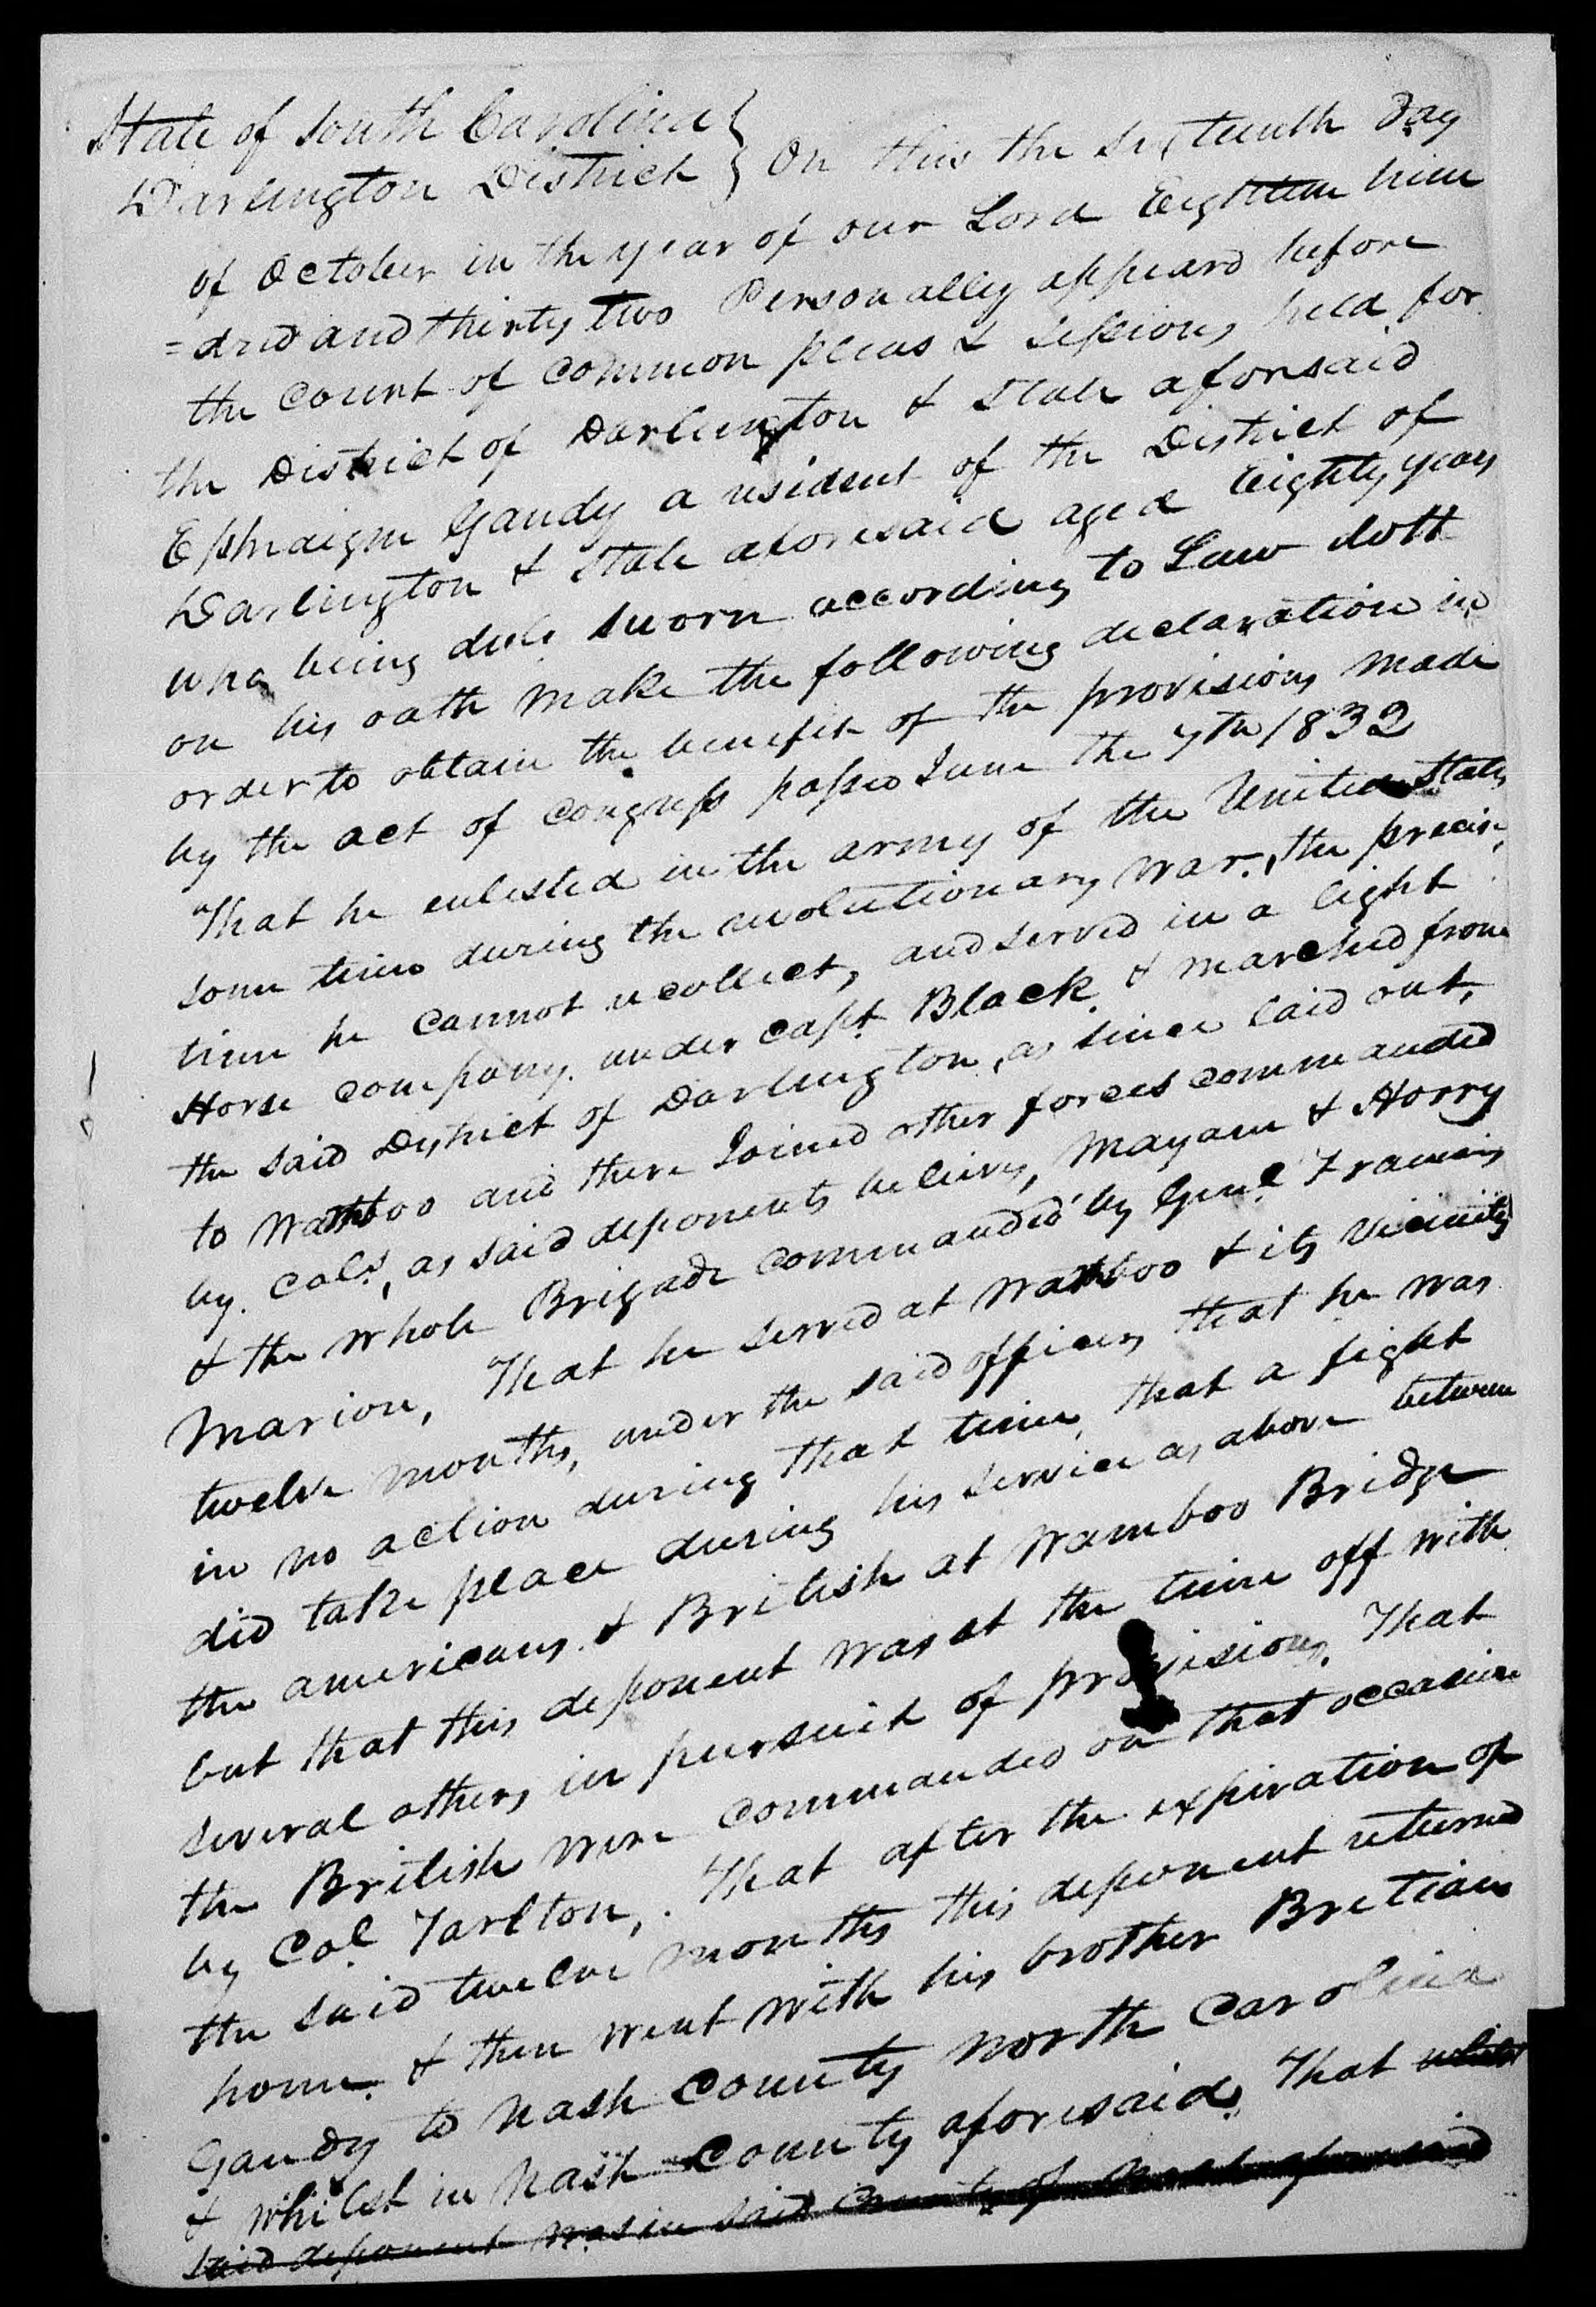State of South Carolina
Darlington District
On their the sixteenth day of October in the year of our Lord Eighteen hundred and thirty-two personally appeared before the court of common pleas & sessions held for the district of Darlington, & state aforesaid Ephraim Gaudy a resident of the district of Darlington & state aforesaid aged eighty years who being duly sworn according to law doth on his oath make the following declaration in order to obtain the benefit of the provisions made by the Act of Congress passed June the 7th 1832 

That he enlisted in the army of the United States sometime during the revolutionary war, the precise time he cannot recollect and served in a light horse company under Captain Black and marched from the said district of Darlington as since laid out to Walterboro and there joined other forces commanded by Cols, as said deponent believes Mayam and Horry & the whole brigade commanded by Gen'l Frances Marion. That he served in Walterboro & its vicinity twelve months, under said officers That he was in no action during that time, that a fight did take place during his service as above between the Americans & British at Wamboo Bridge but the deponent was at that time off with several others in pursuit of provision. That the British were commanded on that occasion by Col. Tarleton. That at the expiration of the said twelve months this deponent went home & then went with his brother Britias Gaudy to Nash County North Carolina & whilst in Nash County aforesaid, that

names: Francis Marion, Tarlton, Ephraigm Gaudy, Cals, Black, Horry, Bretian Gaudy, Mayam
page: 3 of 12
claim: survivor's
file: S. 17971, Ephraim Gaudy, N.C. S.C.